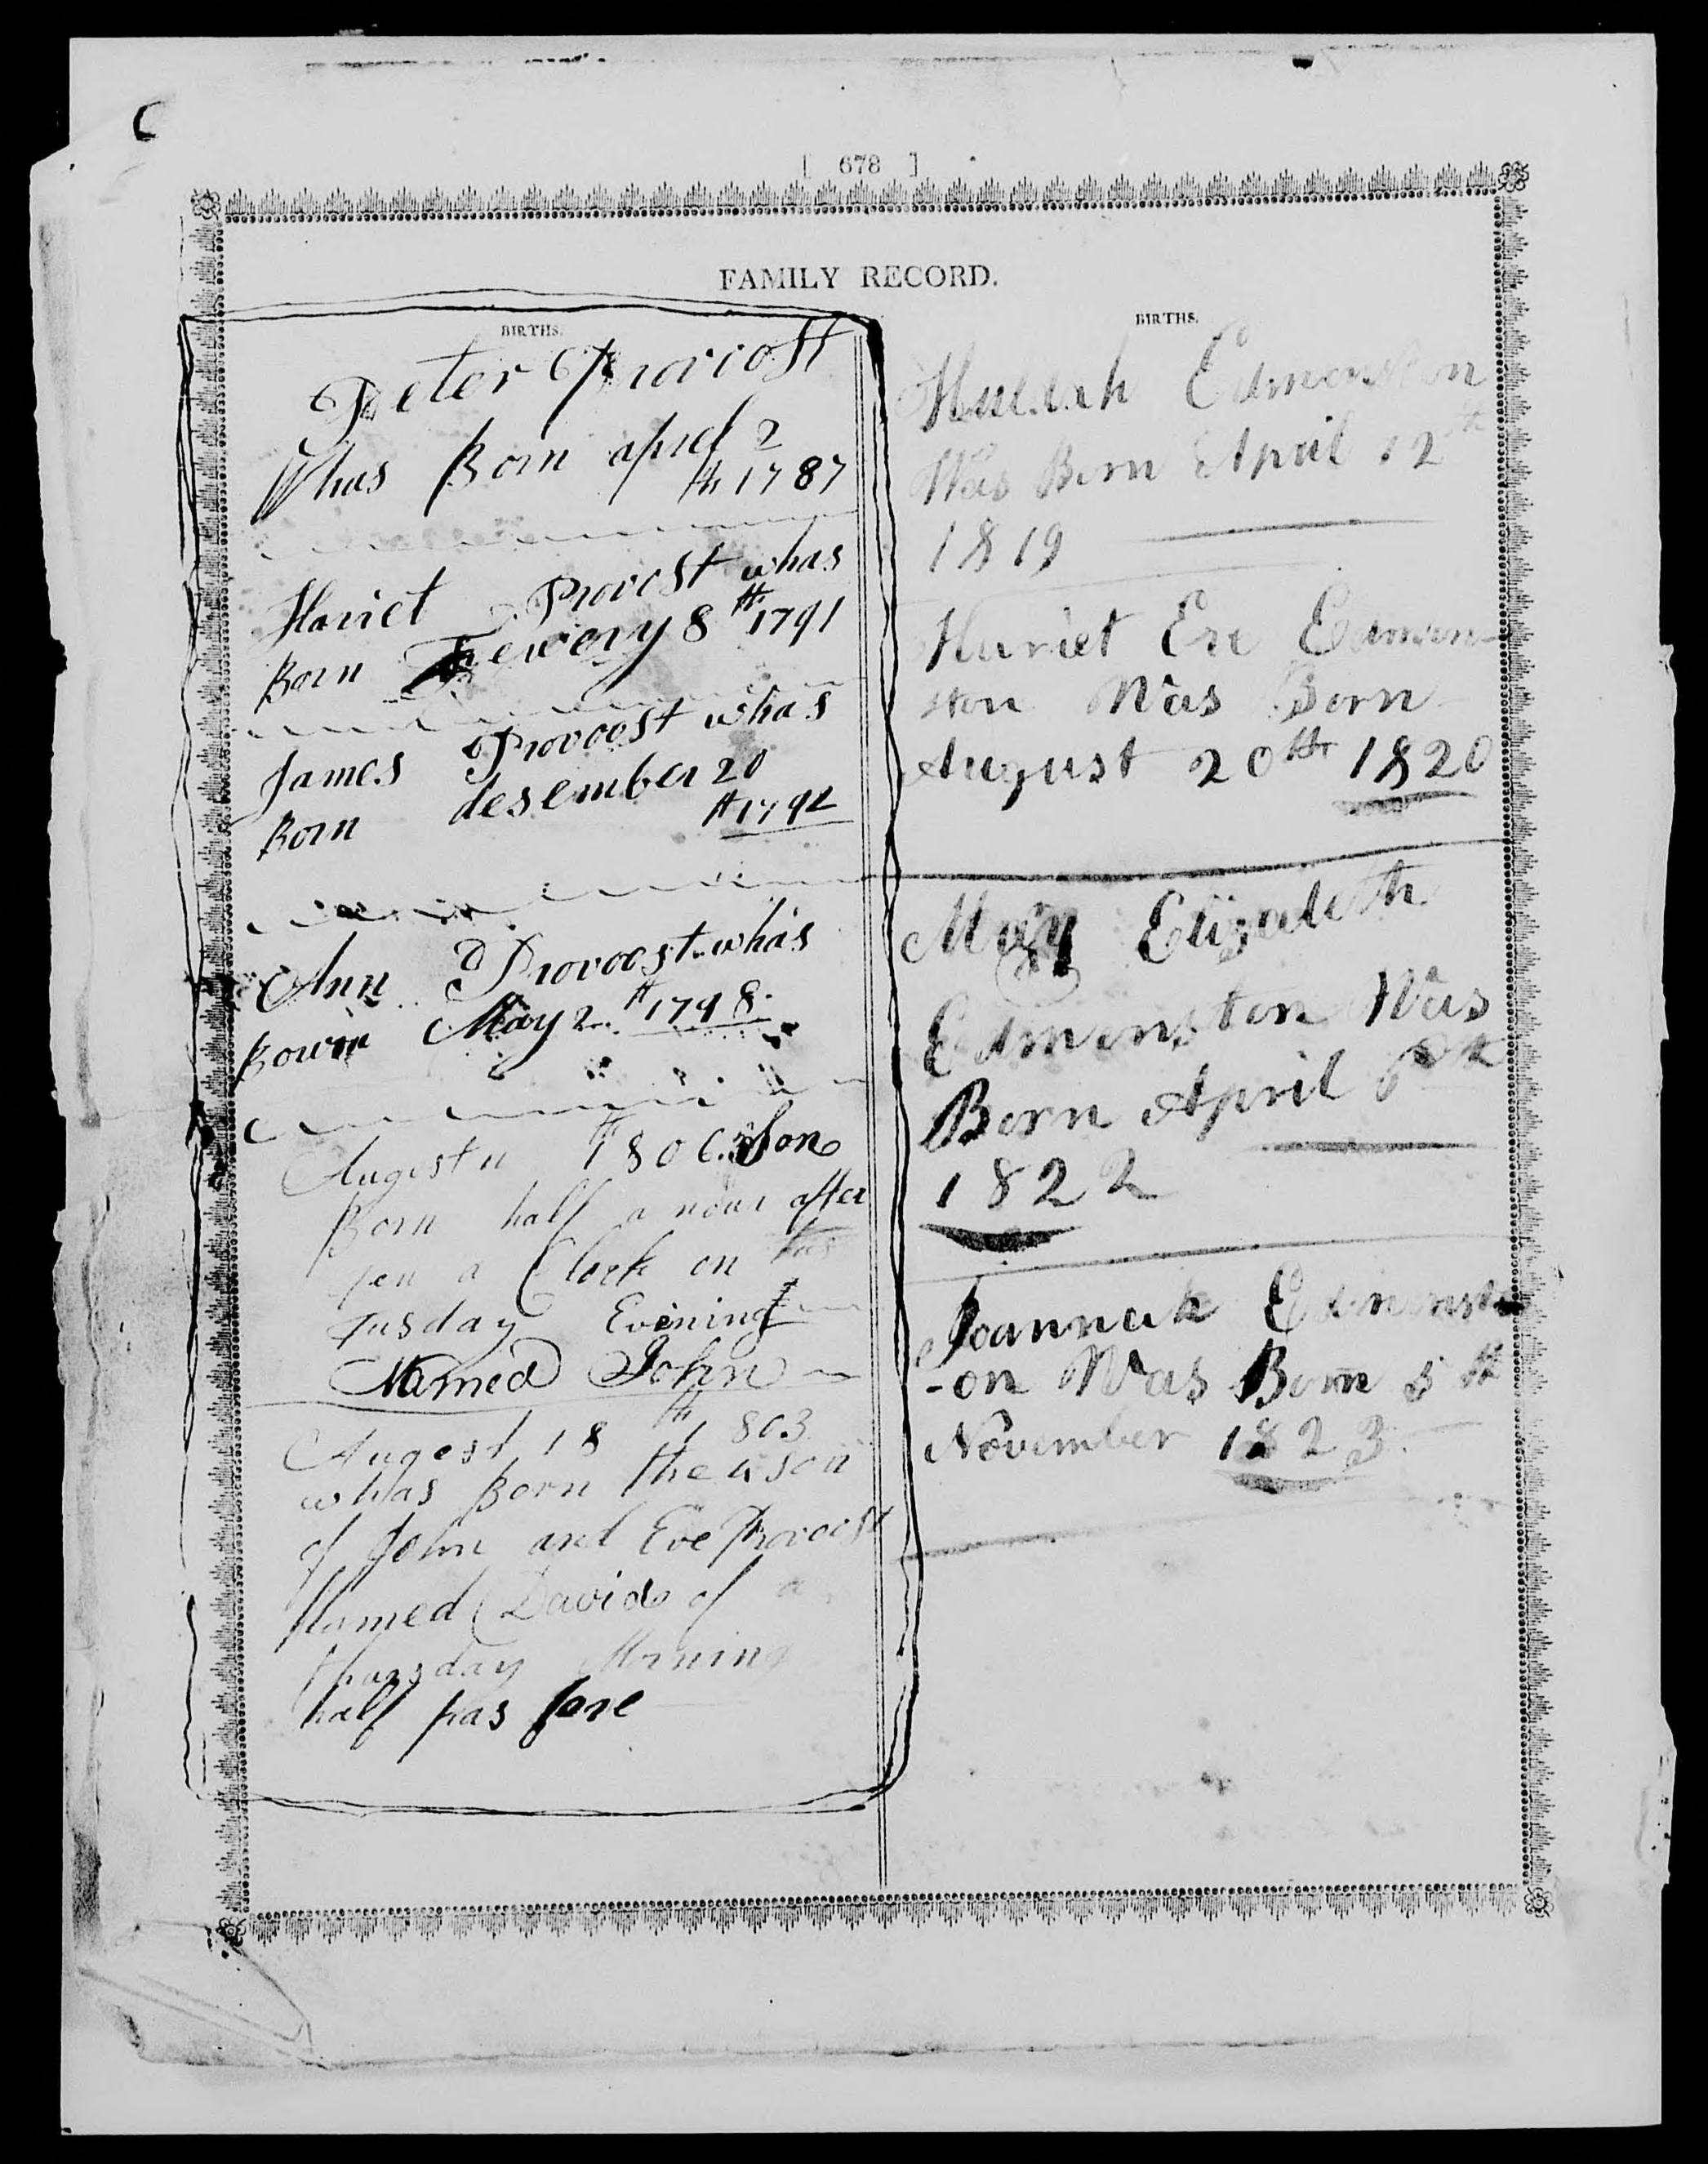Births. 
Peter Provoost whas Born april 2 1787
Harriet Provost whas Born Fevery 8th 1791
James Provoost whas Born desember 20 1792
Ann Provoost whas born May 2 1798
August ?th 1806 Son Born half an hour after ten a Clock on Tusday Evening Named John
Augest 18th 1803 whas born the a son of John and Eve Provoost named David of a Thursday Morning half pas fore
Births. Huldah Edminston Was Born April 12th 1819
Harriet Eve Edminston was Born August 20th 1820
May Elizabeth Edminston Was Born April 6th 1822
Joannah Edminston Was Born 5th November 1823.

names: Hariet Eve Edmondston; John [BLANK]; Ann Provoost; Huldah Edmondston; Eve Provost; James Provoost; Joannah Edmondston; Mary Elizabeth Edmondston; Hariet Provost; Peter Provoost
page: 5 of 19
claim: rejected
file: R. 8454, for John Provoost, New Jersey